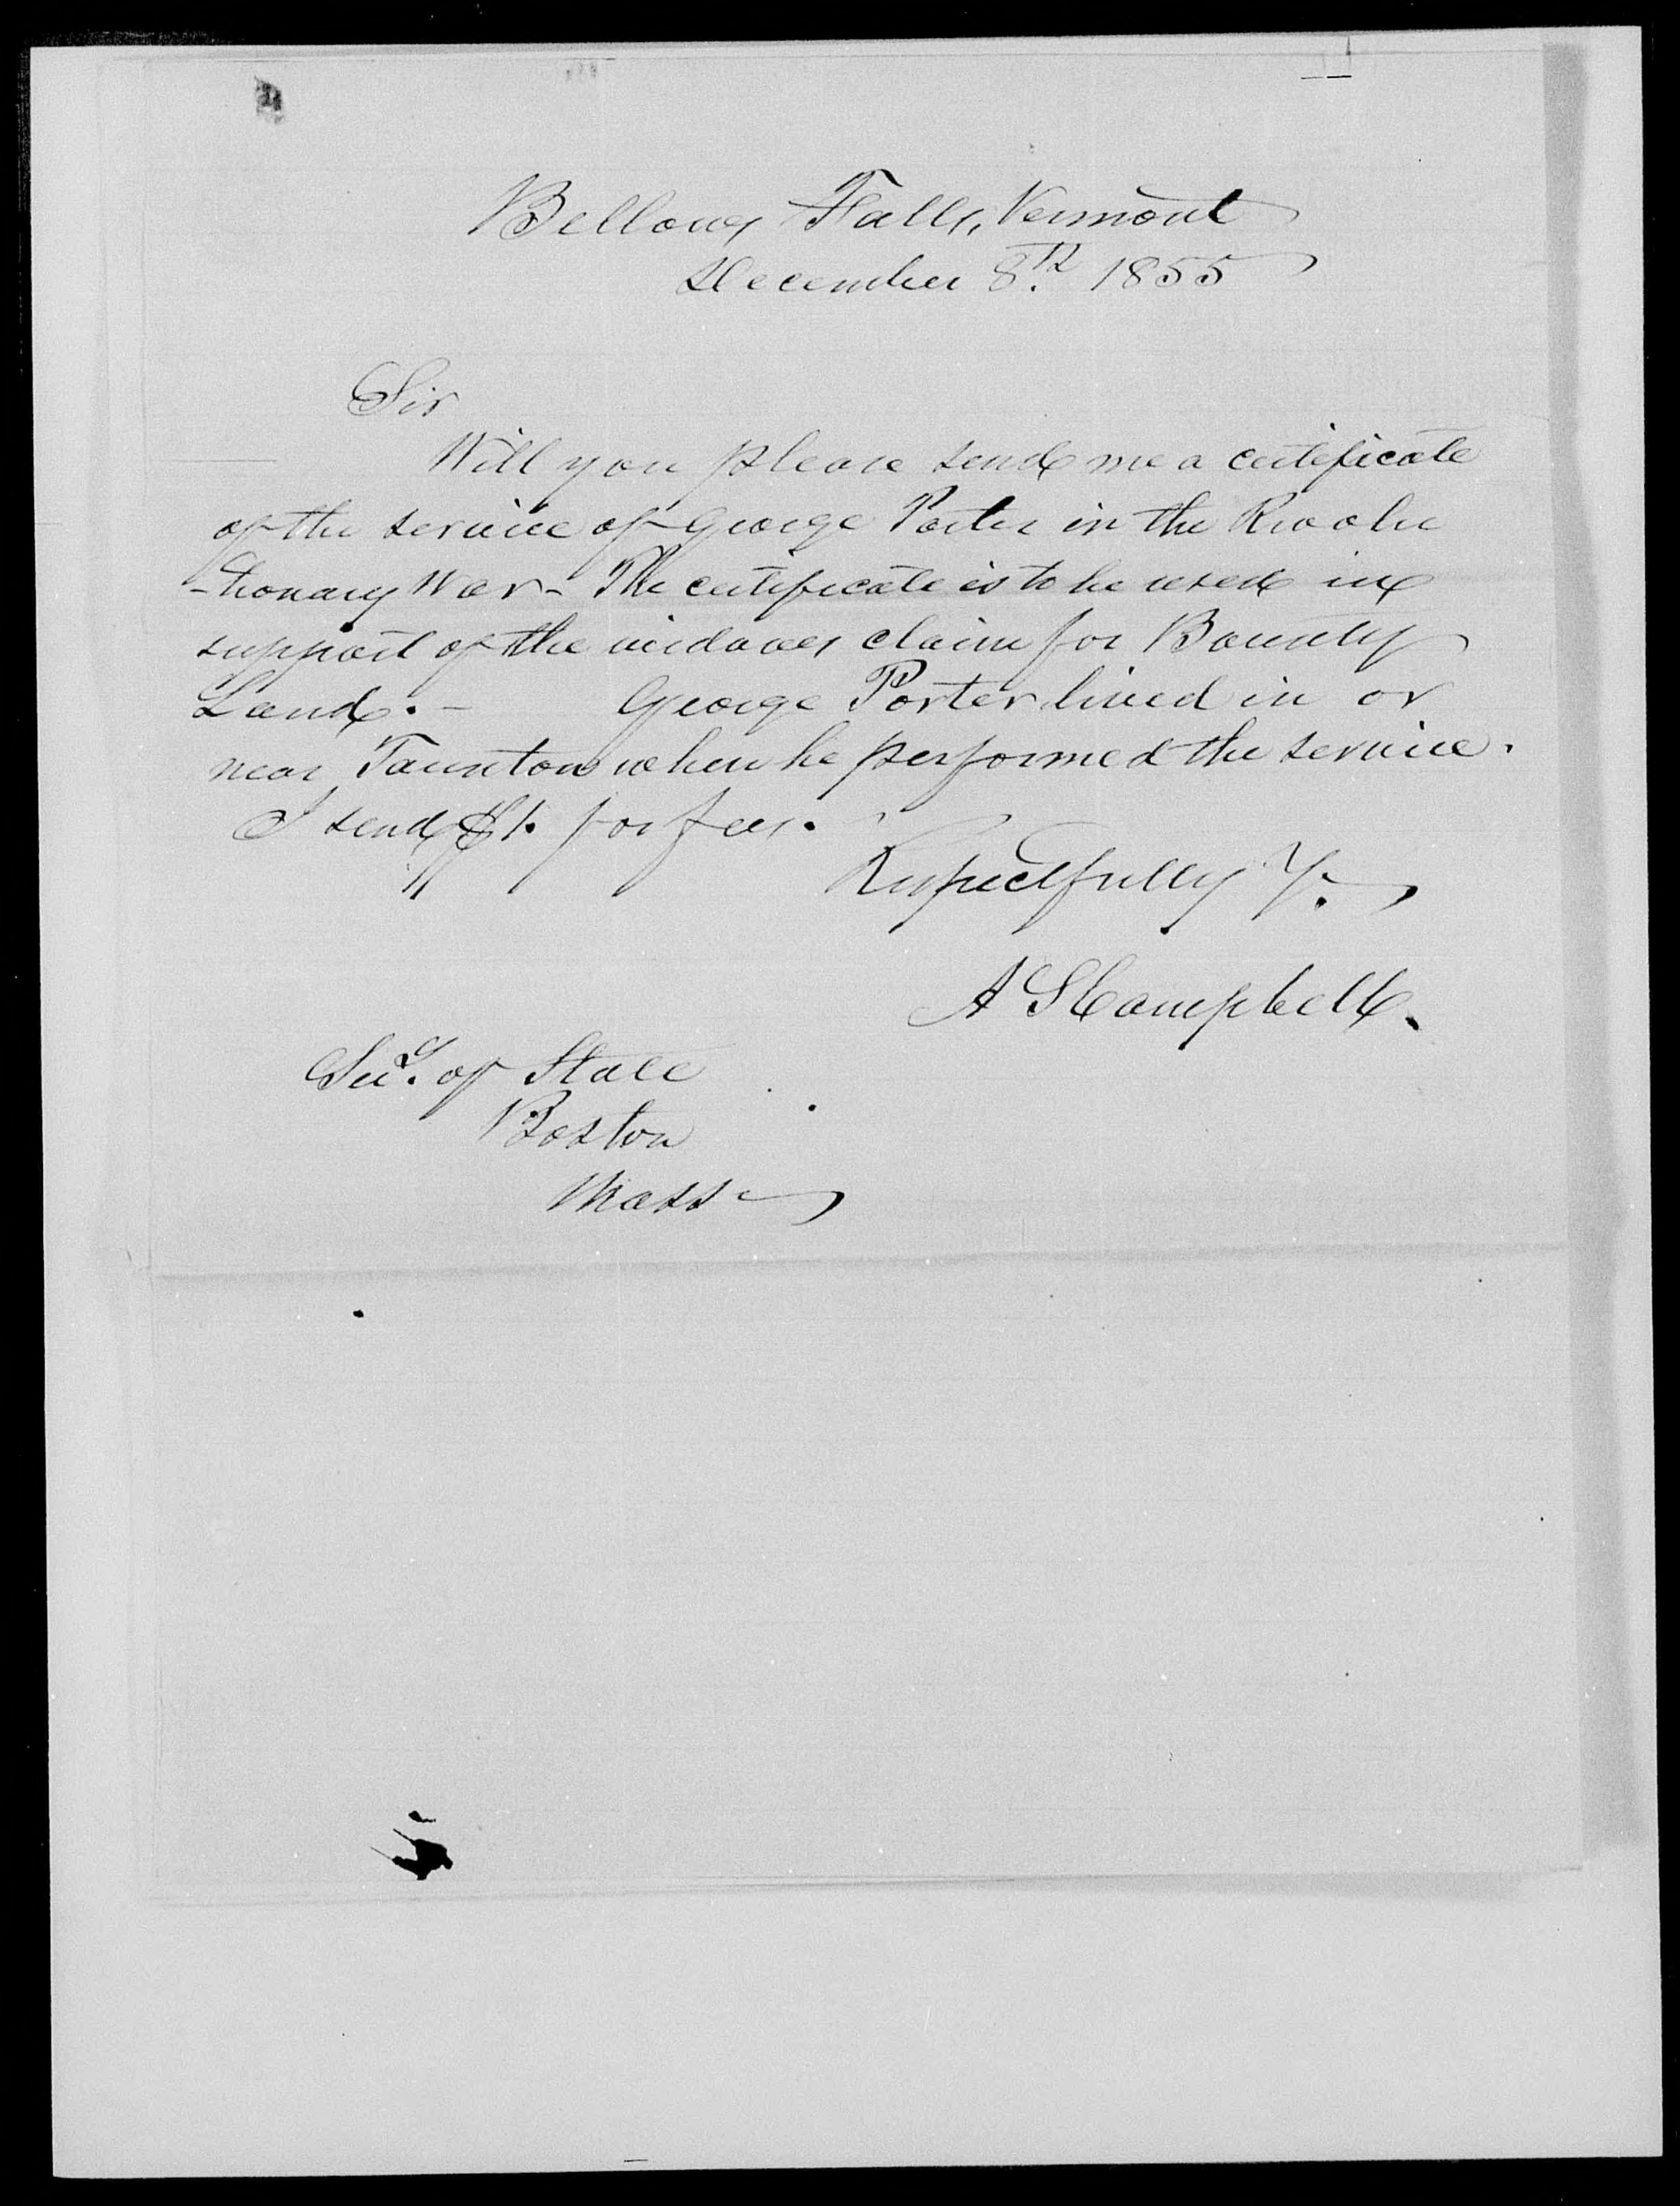Bellows Falls, Vermont
December 8th. 1855

Sir
Will you please send me a certificate of the service of George Porter in the Revolutionary War. The certificate is to be used in support of the widows claim for Bounty Land.- George Porter lived in or near Taunton where he performed the service. I send $1 for fees.
Respectfully yrs
A S Campbell

Secy. of State
Boston
Mass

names: George Porter; A S Campbell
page: 42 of 49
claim: widow's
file: W. 2164, for George Porter, Massachusetts